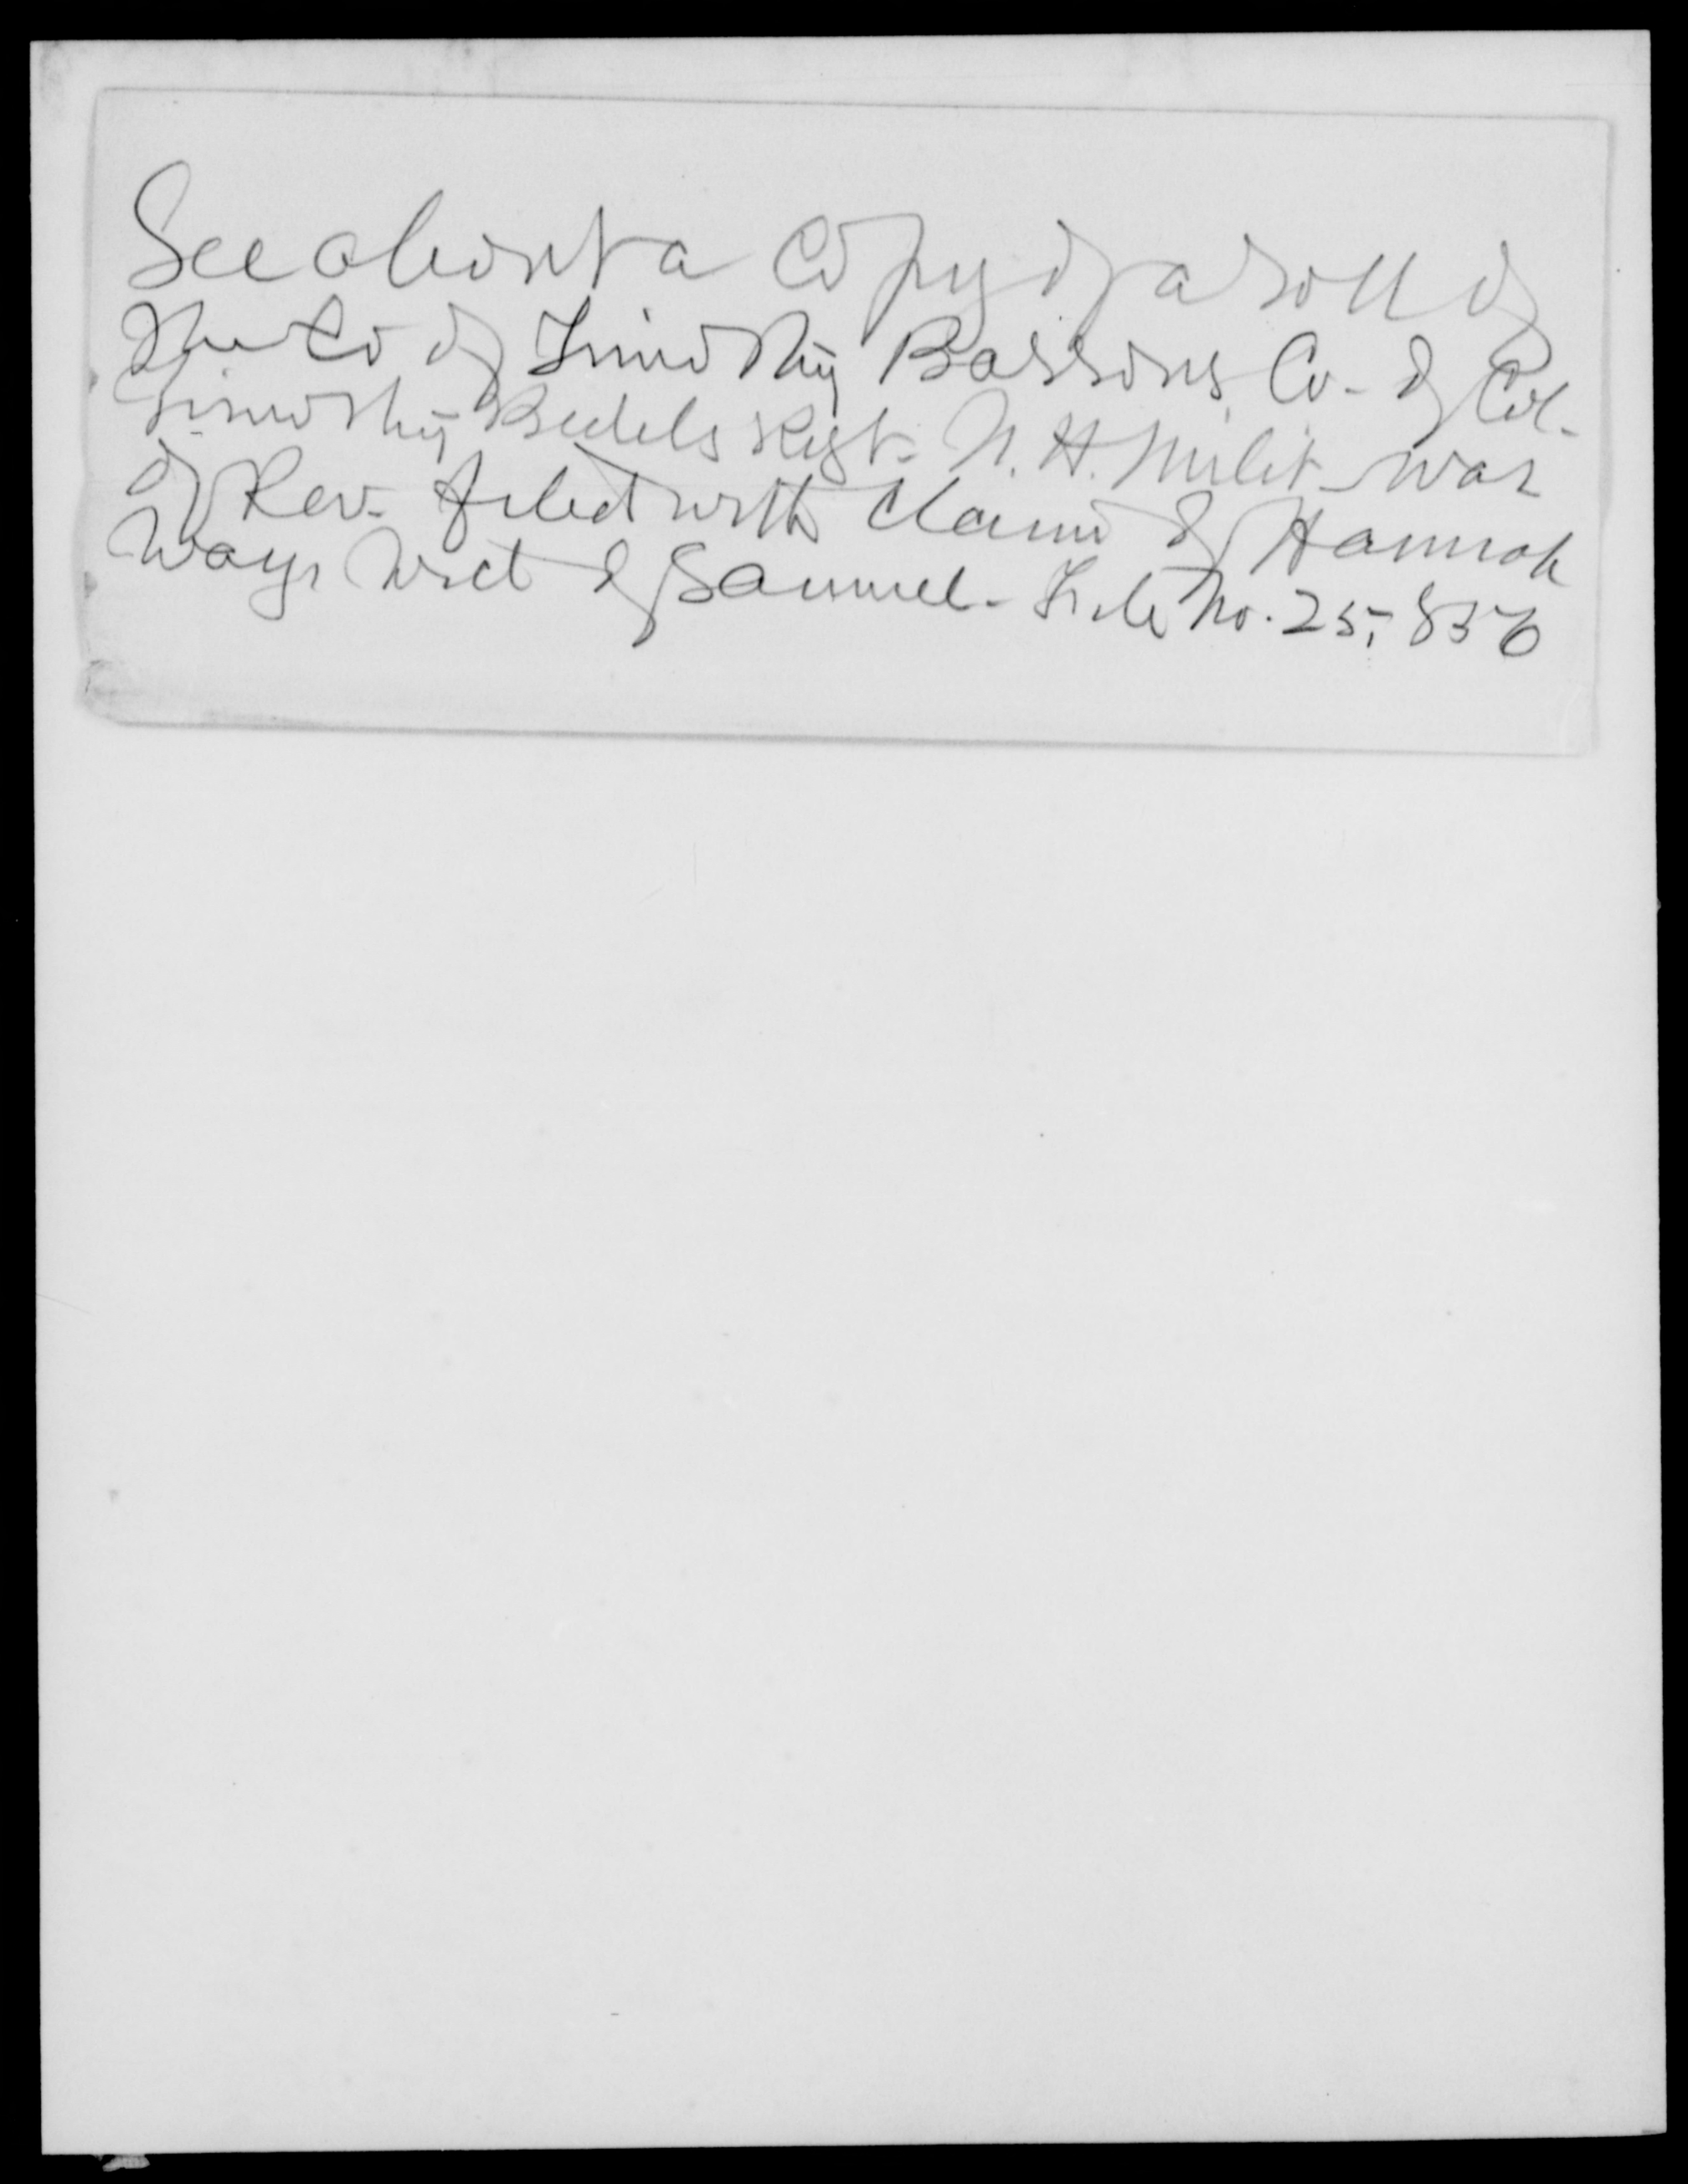See about a copy of a roll of
the Co of Timothy Barton Co. of Col.
Timothy Bedels Regt N.H. Milit was
[illegible] filed with claim of
Hannah
Way Witt & Samuel. File No. 25, 856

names: Samuel, Hannah Way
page: 59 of 78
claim: widow's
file: W. 25856, Samuel Way, N.H.